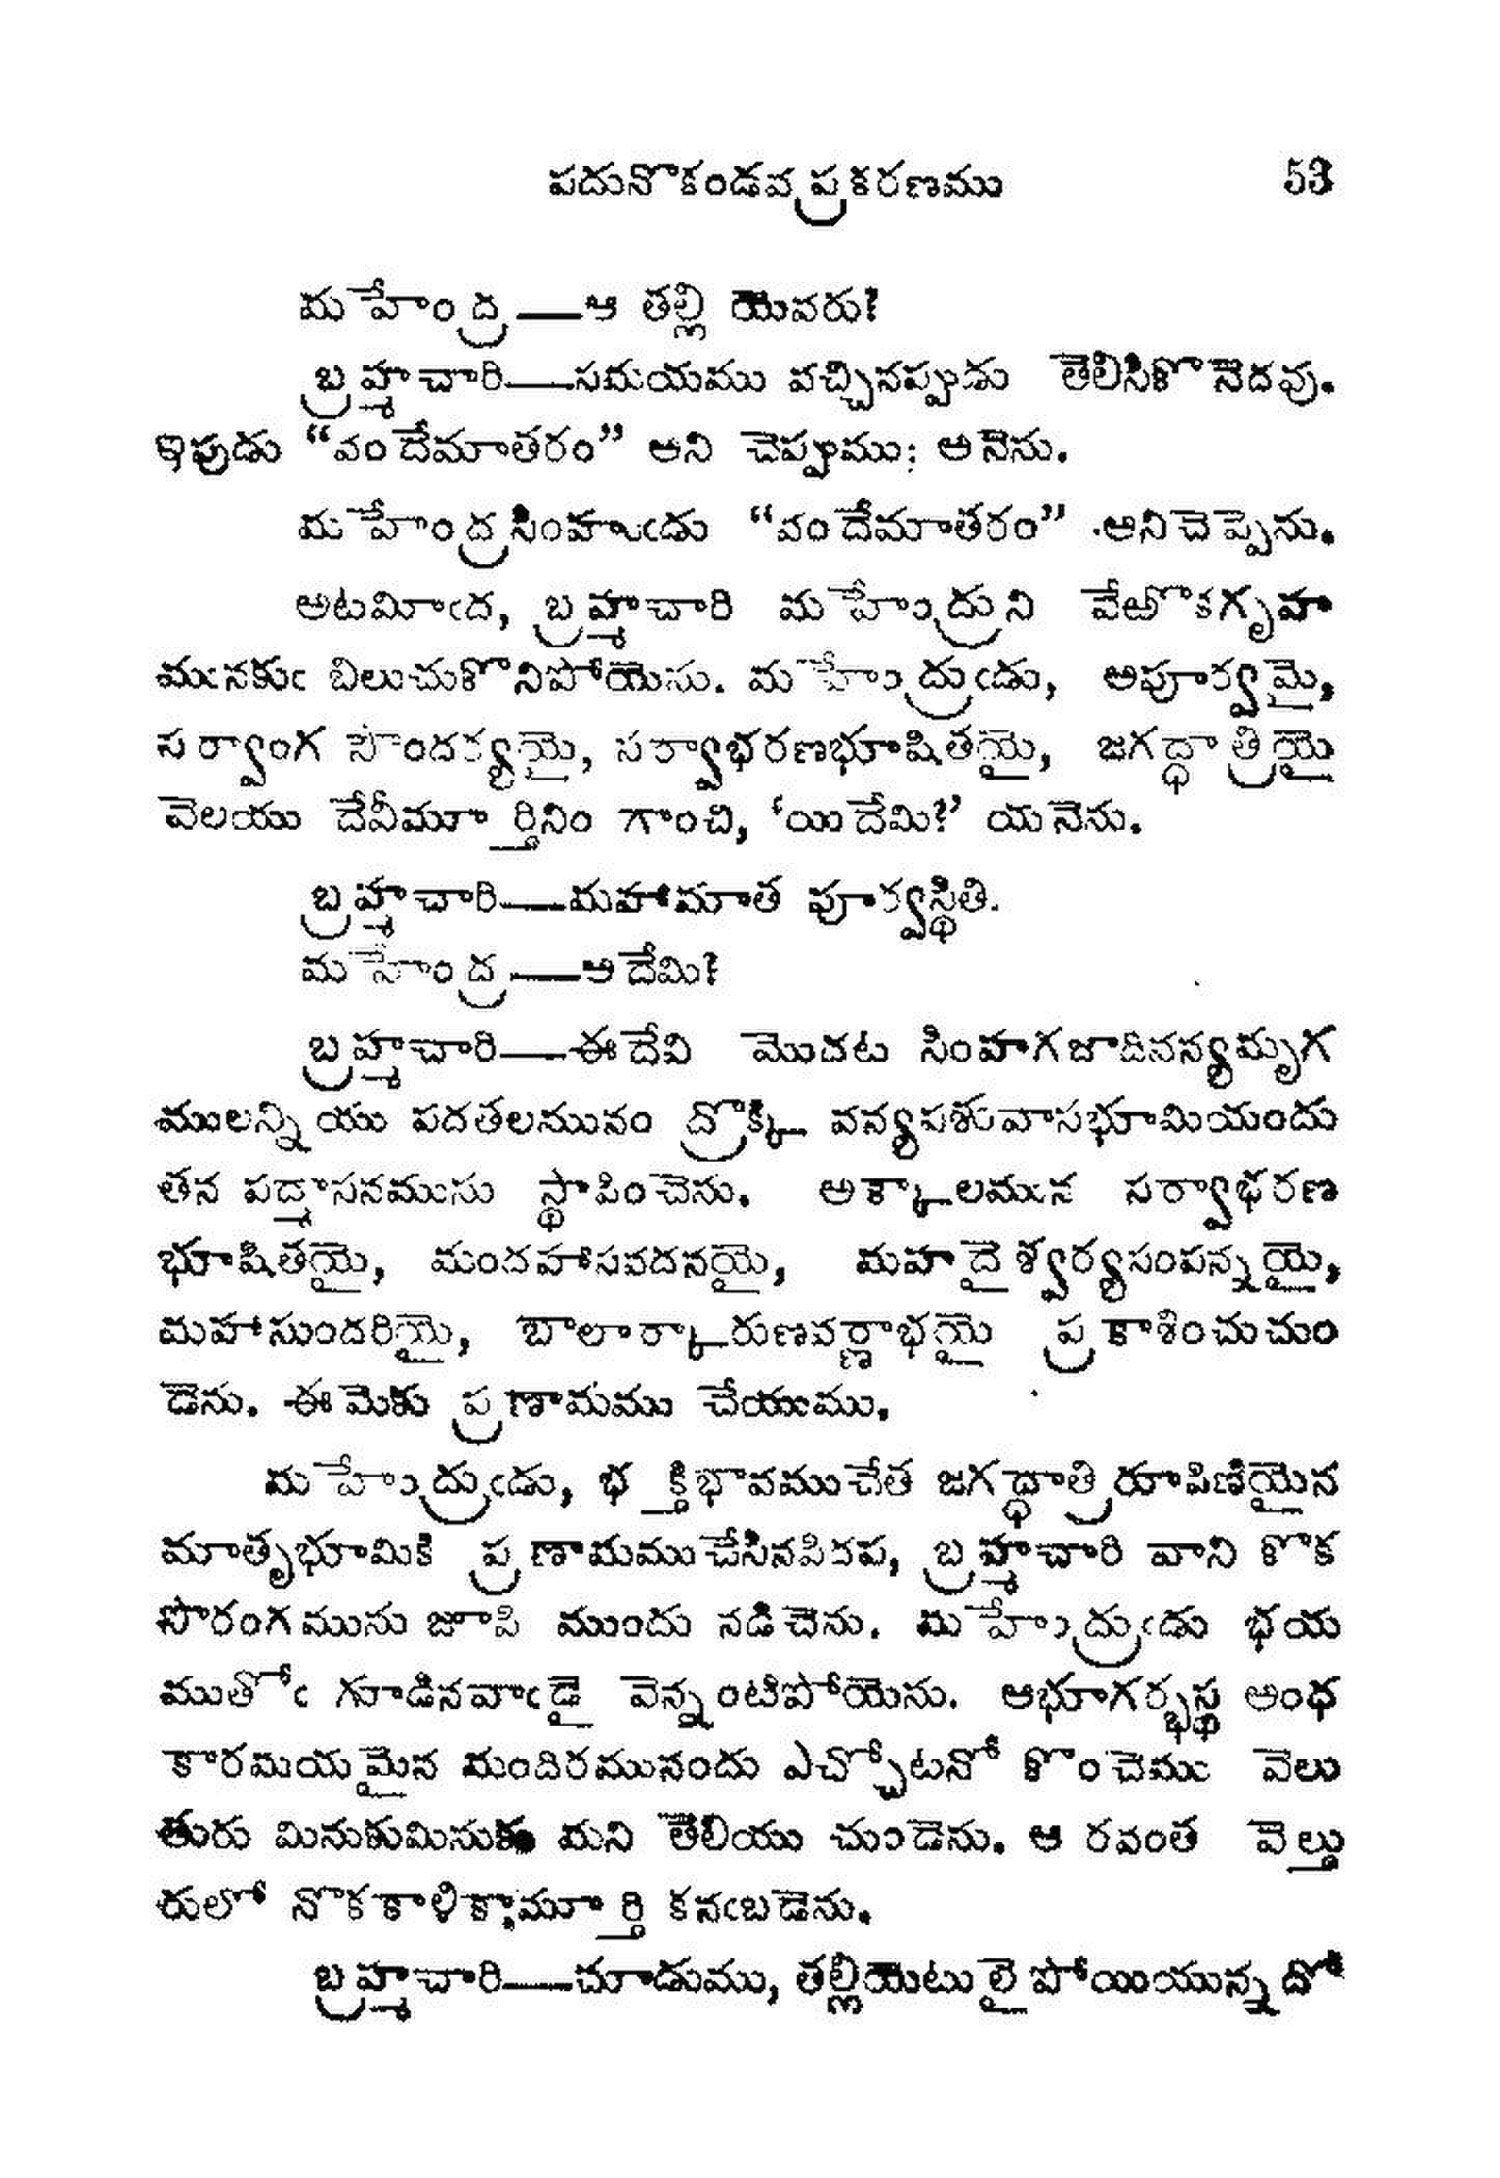మహేంద్ర,——ఆ తల్లి యెవరు?

బ్రహ్మచారి—— సమయము వచ్చినప్పుడు తెలిసికొనెదవు. ఇపుడు "వందేమాతరం” అని చెప్పుము: అనెను.

మహేంద్రసింహుడు “వందేమాతరం” అని చెప్పెను.

అటమీఁద, బ్రహచారి మహేంద్రుని వేఱోకగృహమునకుఁ బిలుచుకొనిపోయెసు. మహేంద్రుఁడు, అపూర్వమై, సర్వాంగ సౌందర్యయై, సర్వాభరణభూషితయై, జగద్ధాత్రియై వెలయు దేవీమూర్తినిం గాంచి, 'యిదేమి?' యనెను.

బ్రహ్మచారి—— మహామాత పూర్వస్థితి.

మహేంద్ర ——అదేమి?

బ్రహచారి —— ఈ దేవి మొదట సింహగజాదివన్య మృగములన్నియు పదతలమునం దొక్కి వన్యపశువాసభూమియందు తన పద్మాసనమును స్థాపించెను. అక్కాలమున సర్వాభరణ భూషితయై, మందహాసవదనయై, మహదైశ్వర్యసంపన్నయై, మహాసుందరియై, బాలార్కారుణవర్ణాభయై ప్రకాశించుచుండెను. ఈమేకు ప్రణామము చేయుము.

మహేంద్రుఁడు, భక్తిభావము చేత జగద్ధాత్రి రూపిణియైన మాతృభూమికి ప్రణామము చేసినపిదప, బ్రహ్మచారి వాని కొక సొరంగమును జూపి ముందు నడిచెను. మహేంద్రుఁడు భయముతోఁ గూడినవాఁడై వెన్నంటిపోయెను. ఆభూగర్భస్థ ఆంధకారమయమైన మందిరమునందు ఎచ్చోటనో కొంచెము వెలుతురు మినుకుమినుకు మని తెలియు చుండెను. ఆ రవంత వెల్తురులో నొక కాళికామూర్తి కనఁబడెను.

బ్రహ్మచారి—— చూడుము, తల్లీయెటు లైపోయియున్నదో